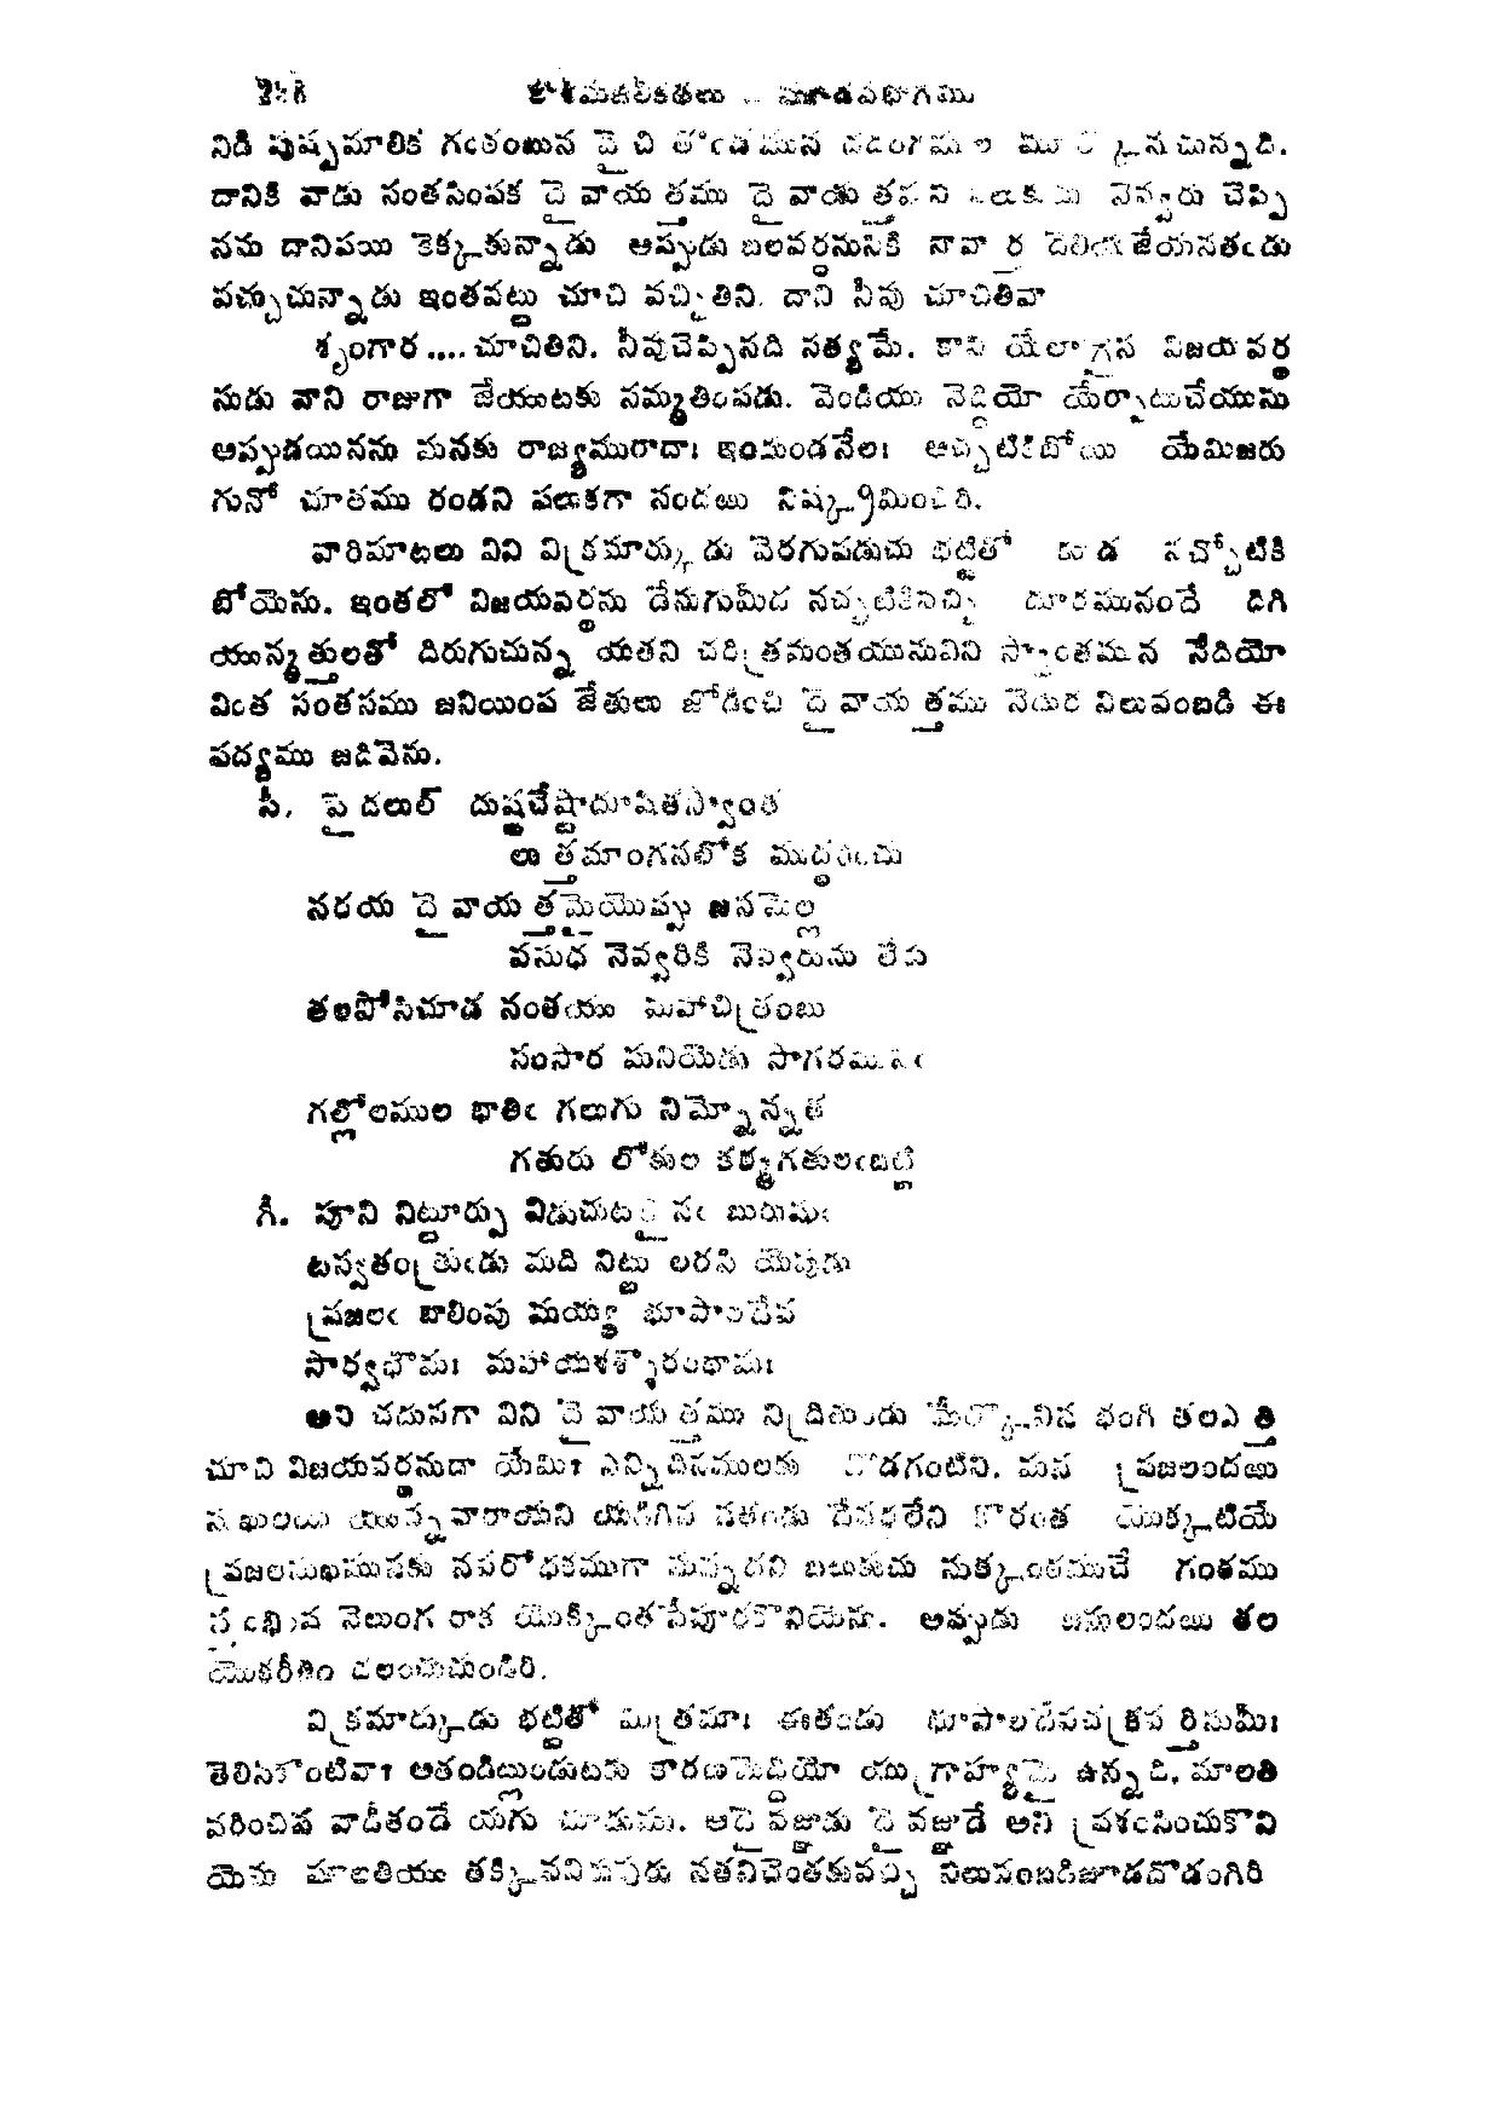నిడి పుష్పమాలిక గంఠంబున వైచి తొండమున దదంగముల మూర్కొనుచున్నది. దానికి వాడు సంతసింపక దైవాయత్తము దైవాయత్తమని పలుకుచు నెవ్వరు చెప్పినను దానిపయి కెక్కకున్నాడు. అప్పుడు బలవర్ధనునికి నావార్త దెలియజేయనతఁడు వచ్చుచున్నాడు ఇంతవట్టు చూచి వచ్చితిని.
దాని నీవు చూచితివా

శృంగార - చూచితిని. నీవుచెప్పినది సత్యమే. కాని యేలాగైన విజయవర్థనుడు వాని రాజుగా జేయుటకు సమ్మతింపడు. వెండియు నెద్దియో యేర్పాటుచేయును అప్పుడయినను మనకు రాజ్యమురాదా? ఇదుండనేల? అచ్చటికిబోయి యేమిజరుగునో చూతము రండని పలుకగా నందఱు నిష్క్రమించిరి.

వారిమాటలు విని విక్రమార్కుడు వెరగుపడుచు భట్టితో కూడ నచ్చోటికి బోయెను. ఇంతలో విజయవర్ధను డేనుగుమీద నచ్చటికి వచ్చి దూరమునందే దిగి యున్మత్తులతో దిరుగుచున్న యతని చరిత్ర మంతయును విని స్వాంతమున నేదియో వింత సంతసము జనియింప జేతులు జోడించి దైవాయత్తము నెదుర నిలువంబడి ఈ పద్యము జదివెను.

సీ. పైదలుల్ దుష్టచేష్టాదూషితస్వాంత
 లుత్తమాంగన లోక ముద్దరించు
 నరయ దైవాయత్తమై యొప్పు జనమెల్ల
 వసుధ నెవ్వరికి నెవ్వరును లేరు
 తలపోసిచూడ నంతయు మహాచిత్రంబు
 సంసార మనియెడు సాగరమునఁ
 గల్లోలముల భాతిఁ గలుగు నిమ్నోన్నత
 గతురు లోకుల కర్మగతులఁబట్టి
గీ. పూని నిట్టూర్పు విడుచుటకైనఁ బురుషుఁ
 డస్వతంత్రుఁడు మది నిట్టు లరసి యెపుడు
 ప్రజలఁ బాలింపు మయ్య భూపాలదేవ
 సార్వభౌమ! మహాయశశ్శౌరంథామ!
అని చదువగా విని దైవాయత్తము నిద్రితుండు మేల్కొనిన భంగి తలఎత్తి చూచి విజయవర్ధనుడా యేమి? ఎన్నిదినములకు బొడగంటిని. మన ప్రజలందఱు సుఖులయి యున్నవారాయని యడిగిన నతండు దేవరలేని కొరంత యొక్కటియే ప్రజలసుఖమునకు నవరోధకముగా నున్నదని బలుకుచు నుత్కంఠముచే గంఠము స్తంభింప నెలుంగ రాక యొక్కింతసేపూరకొనియెను. అప్పుడు జనులందఱు తల యొకరీతిం దలంచుచుండిరి.

విక్రమార్కుడు భట్టితో మిత్రమా? ఈతండు భూపాలదేవచక్రవర్తి సుమీ! తెలిసికొంటివా ? ఆతండిట్లుండుటకు కారణమెద్దియో యుగ్రాహ్యమై ఉన్నది. మాలతి వరించినవా డీతండే యగు చూడుము. ఆదైవజ్ఞుడు దైవజ్ఞుడే అని ప్రశంసించుకొనియెను మాలతియు తక్కిననిరువురు నతనిచెంతకువచ్చి నిలువంబడిజూడదొడంగిరి.